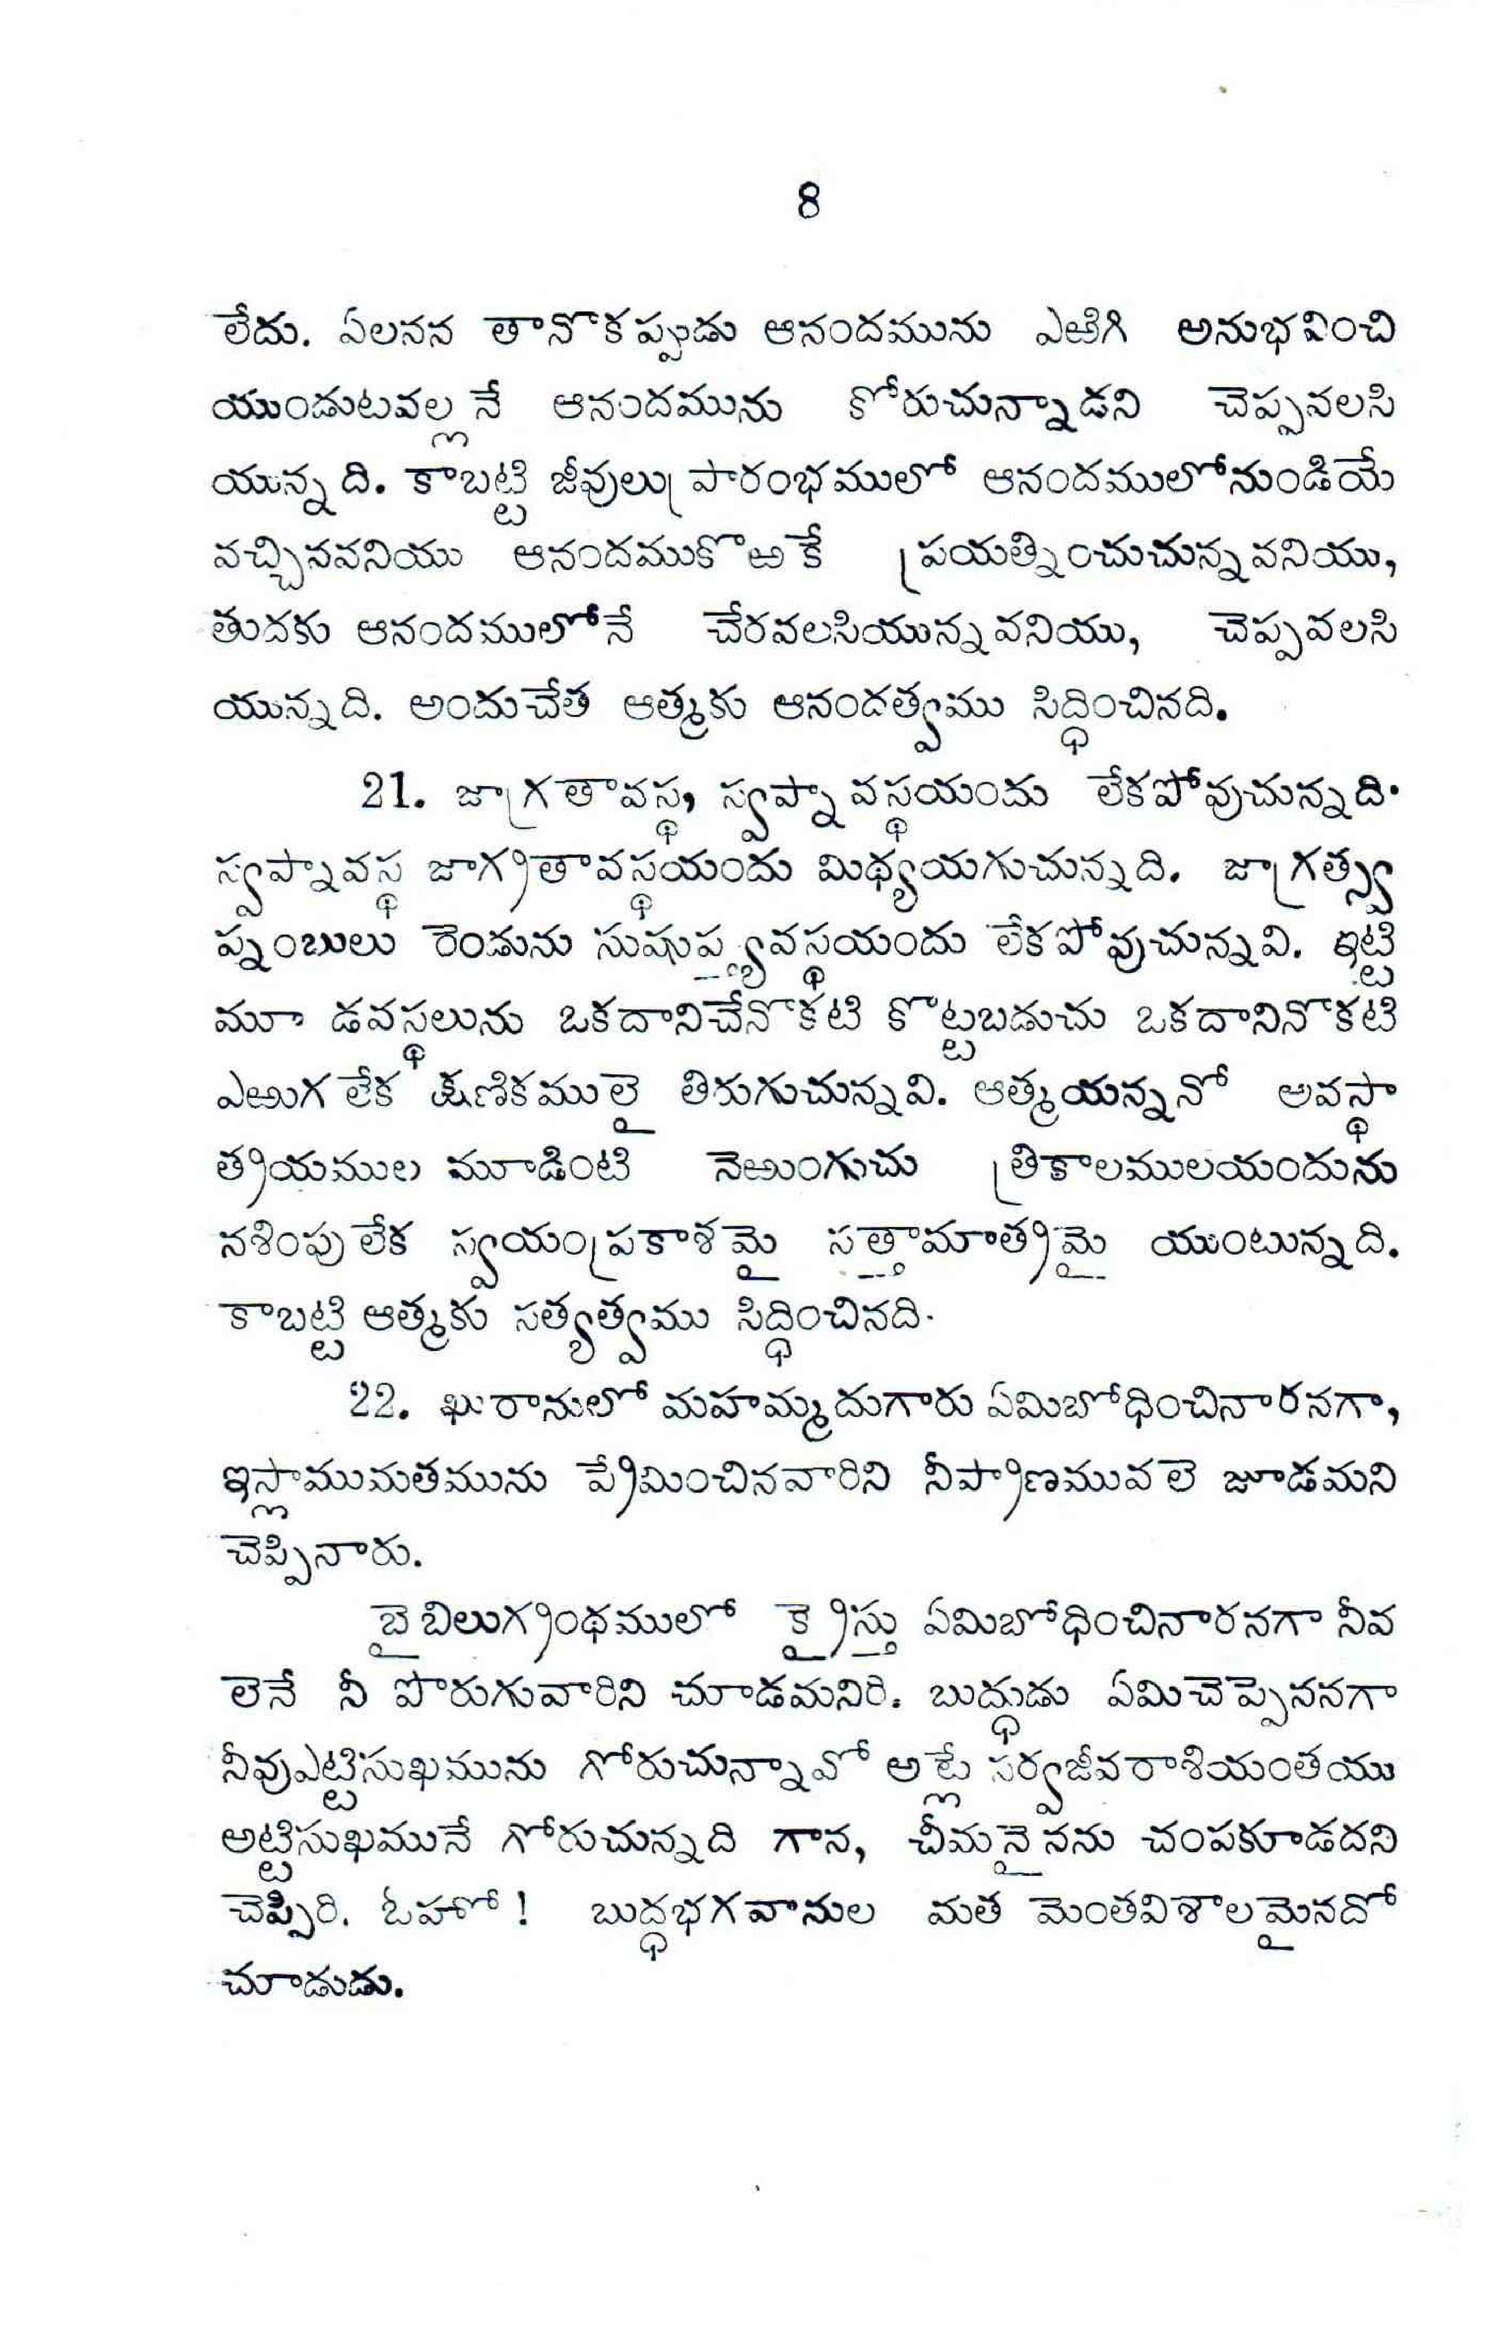లేదు. ఏలనన తానొకప్పుడు ఆనందమును ఎఱిగి అనుభవించి యుండుటవల్లనే ఆనందమును కోరుచున్నాడని చెప్పవలసి యున్నది. కాబట్టి జీవులు ప్రారంభములో ఆనందములో నుండియే వచ్చినవనియు ఆనందముకొఱకే ప్రయత్నించుచున్నవనియు, తుదకు ఆనందములోనే చేరవలసియున్నవనియు, చెప్పవలసి యున్నది. అందుచేత ఆత్మకు ఆనందత్వము సిద్ధించినది.

21. జాగ్రతావస్థ, స్వప్నావస్థయందు లేక పోవుచున్నది. స్వప్నావస్థ జాగ్రతావస్థయందు మిథ్యయగుచున్నది. జాగ్రత్స్వ ప్నంబులు రెండును సుషుప్త్యవస్థయందులేక పోవుచున్నవి. ఇట్టి మూ డవస్థలును ఒకదాని చేనొకటి కొట్టబడుచు ఒకదానినొకటి ఎఱుగలేక క్షణికములై తిరుగుచున్నవి. ఆత్మయన్ననో అవస్థాత్రయముల మూడింటి నెఱుంగుచు త్రికాలములయందును నశింపులేక స్వయంప్రకాశమై సత్థామాత్రమై యుంటున్నది. కాబట్టి ఆత్మకు సత్యత్వము సిద్ధించినది.

22. ఖురానులో మహమ్మదుగారు ఏమి బోధించినారనగా, ఇస్లామునుతమును ప్రేమించిన వారిని నీప్రాణమువలె జూడమని చెప్పినారు.

బైబిలుగ్రంథములో క్రైస్తు ఏమిబోధించినారనగా నీవలెనే నీ పొరుగువారిని చూడమనిరి. బుద్దుడు ఏమి చెప్పెననగా నీవు ఎట్టిసుఖమును గోరుచున్నావో అట్లే సర్వజీవరాశియంతయు అట్టిసుఖమునే గోరుచున్నది గాన, చీమనైనను చంపకూడదని చెప్పిరి. ఓహో! బుద్ధభగవానుల మత మెంతవిశాలమైనదో చూడుడు.